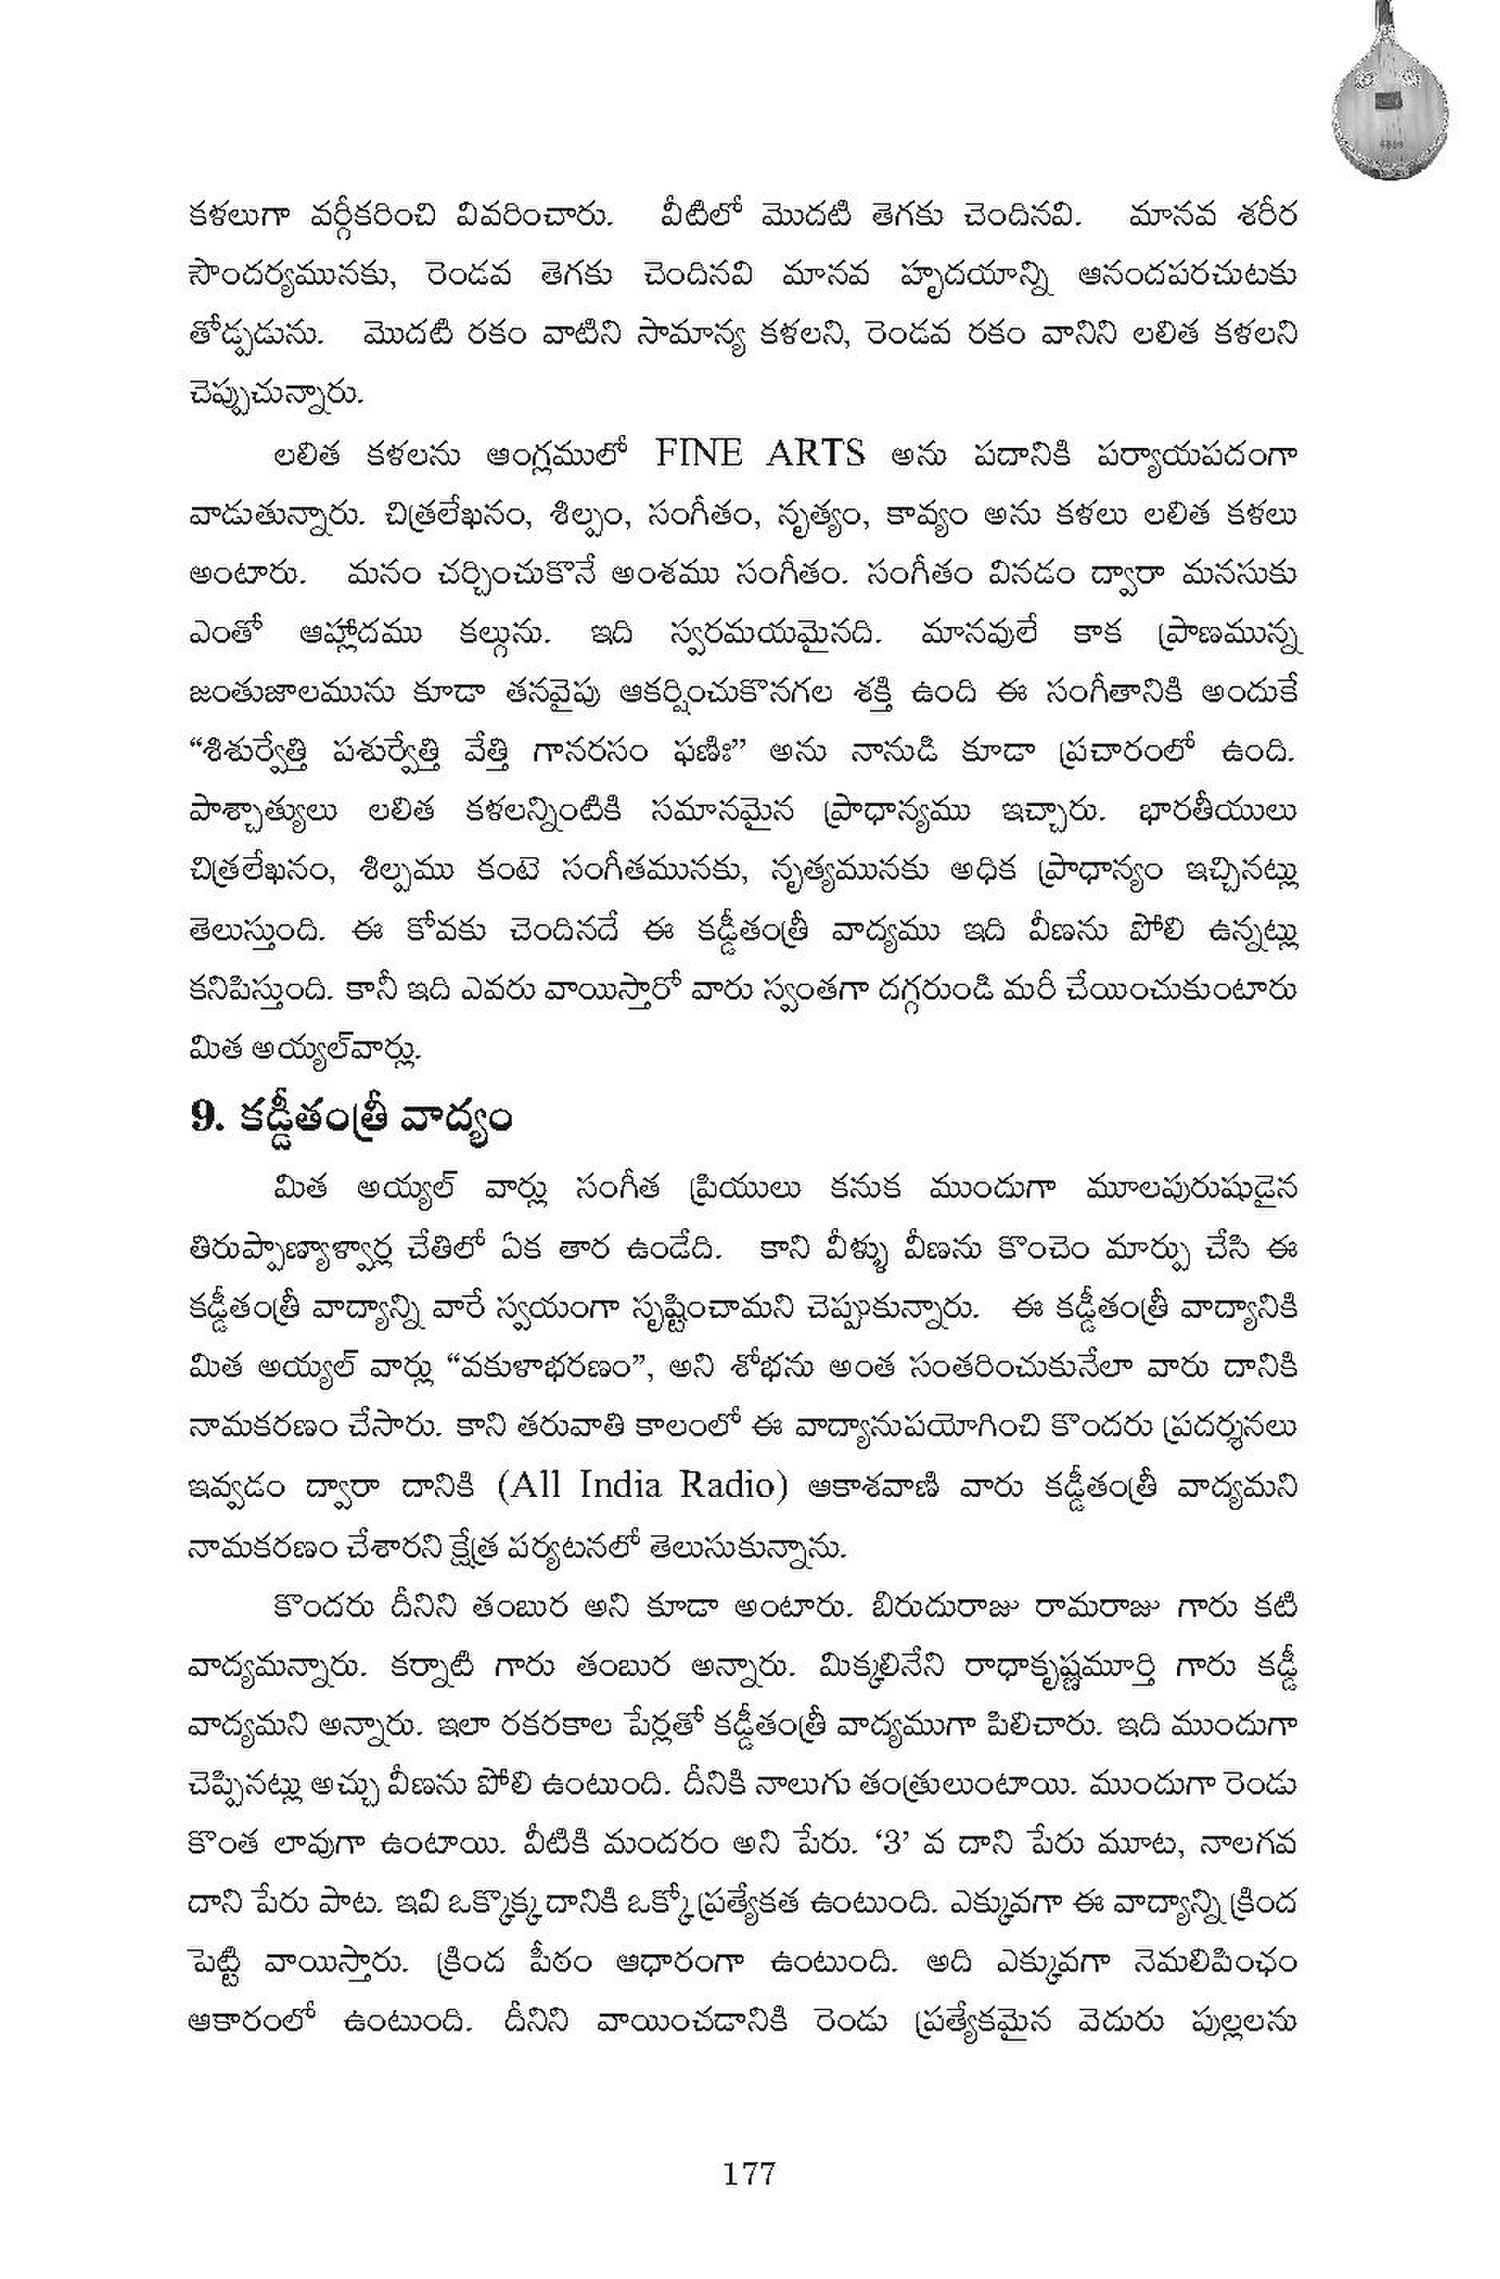కళలుగా వర్గీకరించి వివరించారు. వీటిలో మొదటి తెగకు చెందినవి. మానవ శరీర సౌందర్యమునకు, రెండవ తెగకు చెందినవి మానవ హృదయాన్ని ఆనందపరచుటకు తోడ్పడును. మొదటి రకం వాటిని సామాన్య కళలని, రెండవ రకం వానిని లలిత కళలని చెప్పుచున్నారు.

లలిత కళలను ఆంగ్లములో FINE ARTS అను పదానికి పర్యాయపదంగా వాడుతున్నారు. చిత్రలేఖనం, శిల్పం, సంగీతం, నృత్యం, కావ్యం అను కళలు లలిత కళలు అంటారు. మనం చర్చించుకొనే అంశము సంగీతం. సంగీతం వినడం ద్వారా మనసుకుఎంతో ఆహ్లాదము కల్గును. ఇది స్వరమయమైనది. మానవులే కాక ప్రాణమున్న జంతుజాలమును కూడా తనవైపు ఆకర్షించుకొనగల శక్తి ఉంది ఈ సంగీతానికి అందుకే “శిశుర్వేత్తి పశుర్వేత్తి వేత్తి గానరసం ఫణి" అను నానుడి కూడా ప్రచారంలో ఉంది. పాశ్చాత్యులు లలిత కళలన్నింటికి సమానమైన ప్రాధాన్యము ఇచ్చారు. భారతీయులు చిత్రలేఖనం, శిల్పము కంటె సంగీతమునకు, నృత్యమునకు అధిక ప్రాధాన్యం ఇచ్చినట్లు తెలుస్తుంది. ఈ కోవకు చెందినదే ఈ కడ్డీతంత్రీ వాద్యము ఇది వీణను పోలి ఉన్నట్లు కనిపిస్తుంది. కానీ ఇది ఎవరు వాయిస్తారో వారు స్వంతగా దగ్గరుండి మరీ చేయించుకుంటారు మిత అయ్యల్వార్లు.

9. కడ్డీతంత్రీ వాద్యం 

మిత అయ్యల్ వార్లు సంగీత ప్రియులు కనుక ముందుగా మూలపురుషుడైన తిరుప్పాణ్యాళ్వార్ల చేతిలో ఏక తార ఉండేది. కాని వీళ్ళు వీణను కొంచెం మార్పు చేసి ఈ కడ్డీతంత్రీ వాద్యాన్ని వారే స్వయంగా సృష్టించామని చెప్పుకున్నారు. ఈ కడ్డీతంత్రీ వాద్యానికి మిత అయ్యల్ వార్లు “వకుళాభరణం”, అని శోభను అంత సంతరించుకునేలా వారు దానికి
నామకరణం చేసారు. కాని తరువాతి కాలంలో ఈ వాద్యానుపయోగించి కొందరు ప్రదర్శనలు ఇవ్వడం ద్వారా దానికి (All India Radio) ఆకాశవాణి వారు కడ్డీతంత్రీ వాద్యమని నామకరణం చేశారని క్షేత్ర పర్యటనలో తెలుసుకున్నాను.

కొందరు దీనిని తంబుర అని కూడా అంటారు. బిరుదురాజు రామరాజు గారు కటి వాద్యమన్నారు. కర్నాటి గారు తంబుర అన్నారు. మిక్కలినేని రాధాకృష్ణమూర్తి గారు కడ్డీ వాద్యమని అన్నారు. ఇలా రకరకాల పేర్లతో కడ్డీతంత్రీ వాద్యముగా పిలిచారు. ఇది ముందుగా చెప్పినట్లు అచ్చు వీణను పోలి ఉంటుంది. దీనికి నాలుగు తంత్రులుంటాయి. ముందుగా రెండు కొంత లావుగా ఉంటాయి. వీటికి మందరం అని పేరు. '3' వ దాని పేరు మూట, నాలగవ దాని పేరు పాట. ఇవి ఒక్కొక్క దానికి ఒక్కో ప్రత్యేకత ఉంటుంది. ఎక్కువగా ఈ వాద్యాన్ని క్రింద పెట్టి వాయిస్తారు. క్రింద పీఠం ఆధారంగా ఉంటుంది. అది ఎక్కువగా నెమలిపింఛం ఆకారంలో ఉంటుంది. దీనిని వాయించడానికి రెండు ప్రత్యేకమైన వెదురు పుల్లలను